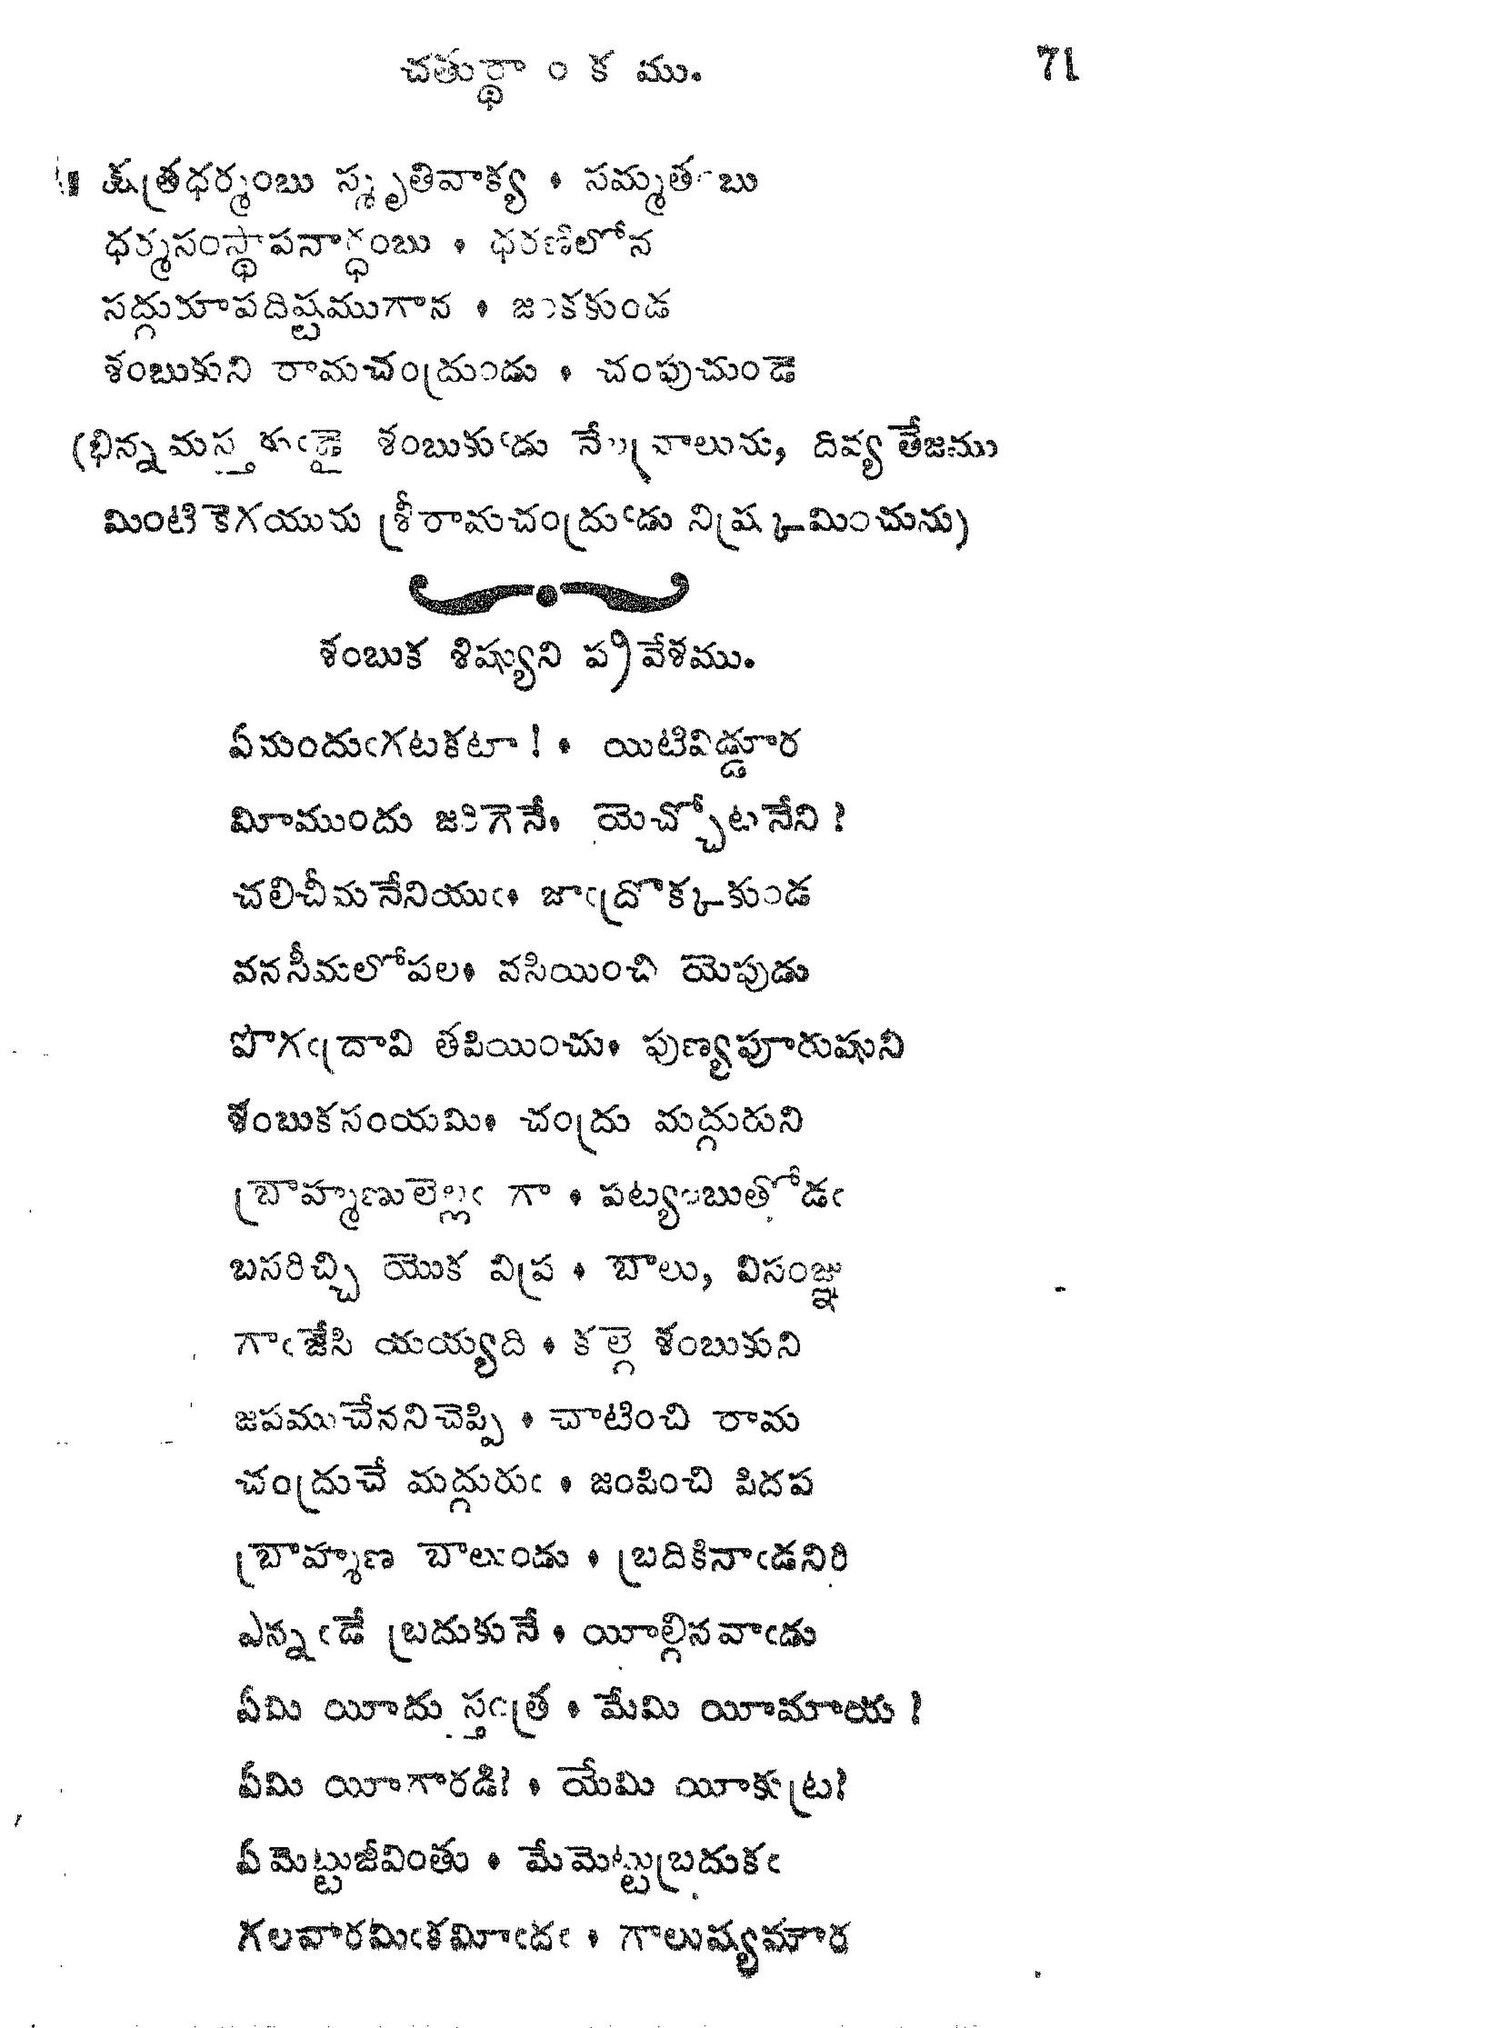!! క్షత్రధర్మంబు స్మృతివాక్య సమ్మతంబు
 ధర్మసంస్థాపనార్ధంబు ధరణిలోన
 సద్గురూపదిష్టముగాన జంకకుండ
 శంబుకుని రామచంద్రుడు చంపుచుండె

 (భిన్నమస్త గుఁడై శంబుకుడు నేల వ్రాలును, దివ్య తేజము
 మింటి కెగయుచు శ్రీరామచంద్రుఁడు నిష్క్రమించును)

 ఏమందుఁగటకటా ! యిటివిడ్డూర
 మీముందు జిరిగెనే, యెచ్చోట నేని !
 చలిచీమ నేనియుఁ జాద్రొక్కకుండ
 వనసీమలోపలి వసియించి యెపుడు
 పొగఁద్రావి తపియించు. పుణ్య పూరుషుని
 శంబుక సంయమి? చంద్రు మద్గురుని
 బ్రాహ్మణులెల్ల గా పట్యంబుతోడఁ
 బసరిచ్చి యొక విప్ర బాలు, విసంజ్ఞు
 గాఁ జేసి యయ్యది కల్గె శంబుకుని
 జపము చేనని చెప్పి చాటించి రామ
 చంద్రుచే మద్గురుఁ జంపించి పిదప
 బ్రాహ్మణ బాలుడు బ్రదికినాఁడనిరి
 ఎన్న డే బ్రదుకునే యీల్గినవాఁడు
 ఏమి యీదు స్తంత్ర మేమి యీమాయ !
 ఏమి యీ గారడి? యేమి యీకుట్ర?
 ఏమెట్టుజీవింతు మేమెట్టుబ్రదుక 
 గలవారమికమీద గాలుష్యమౌర 
,